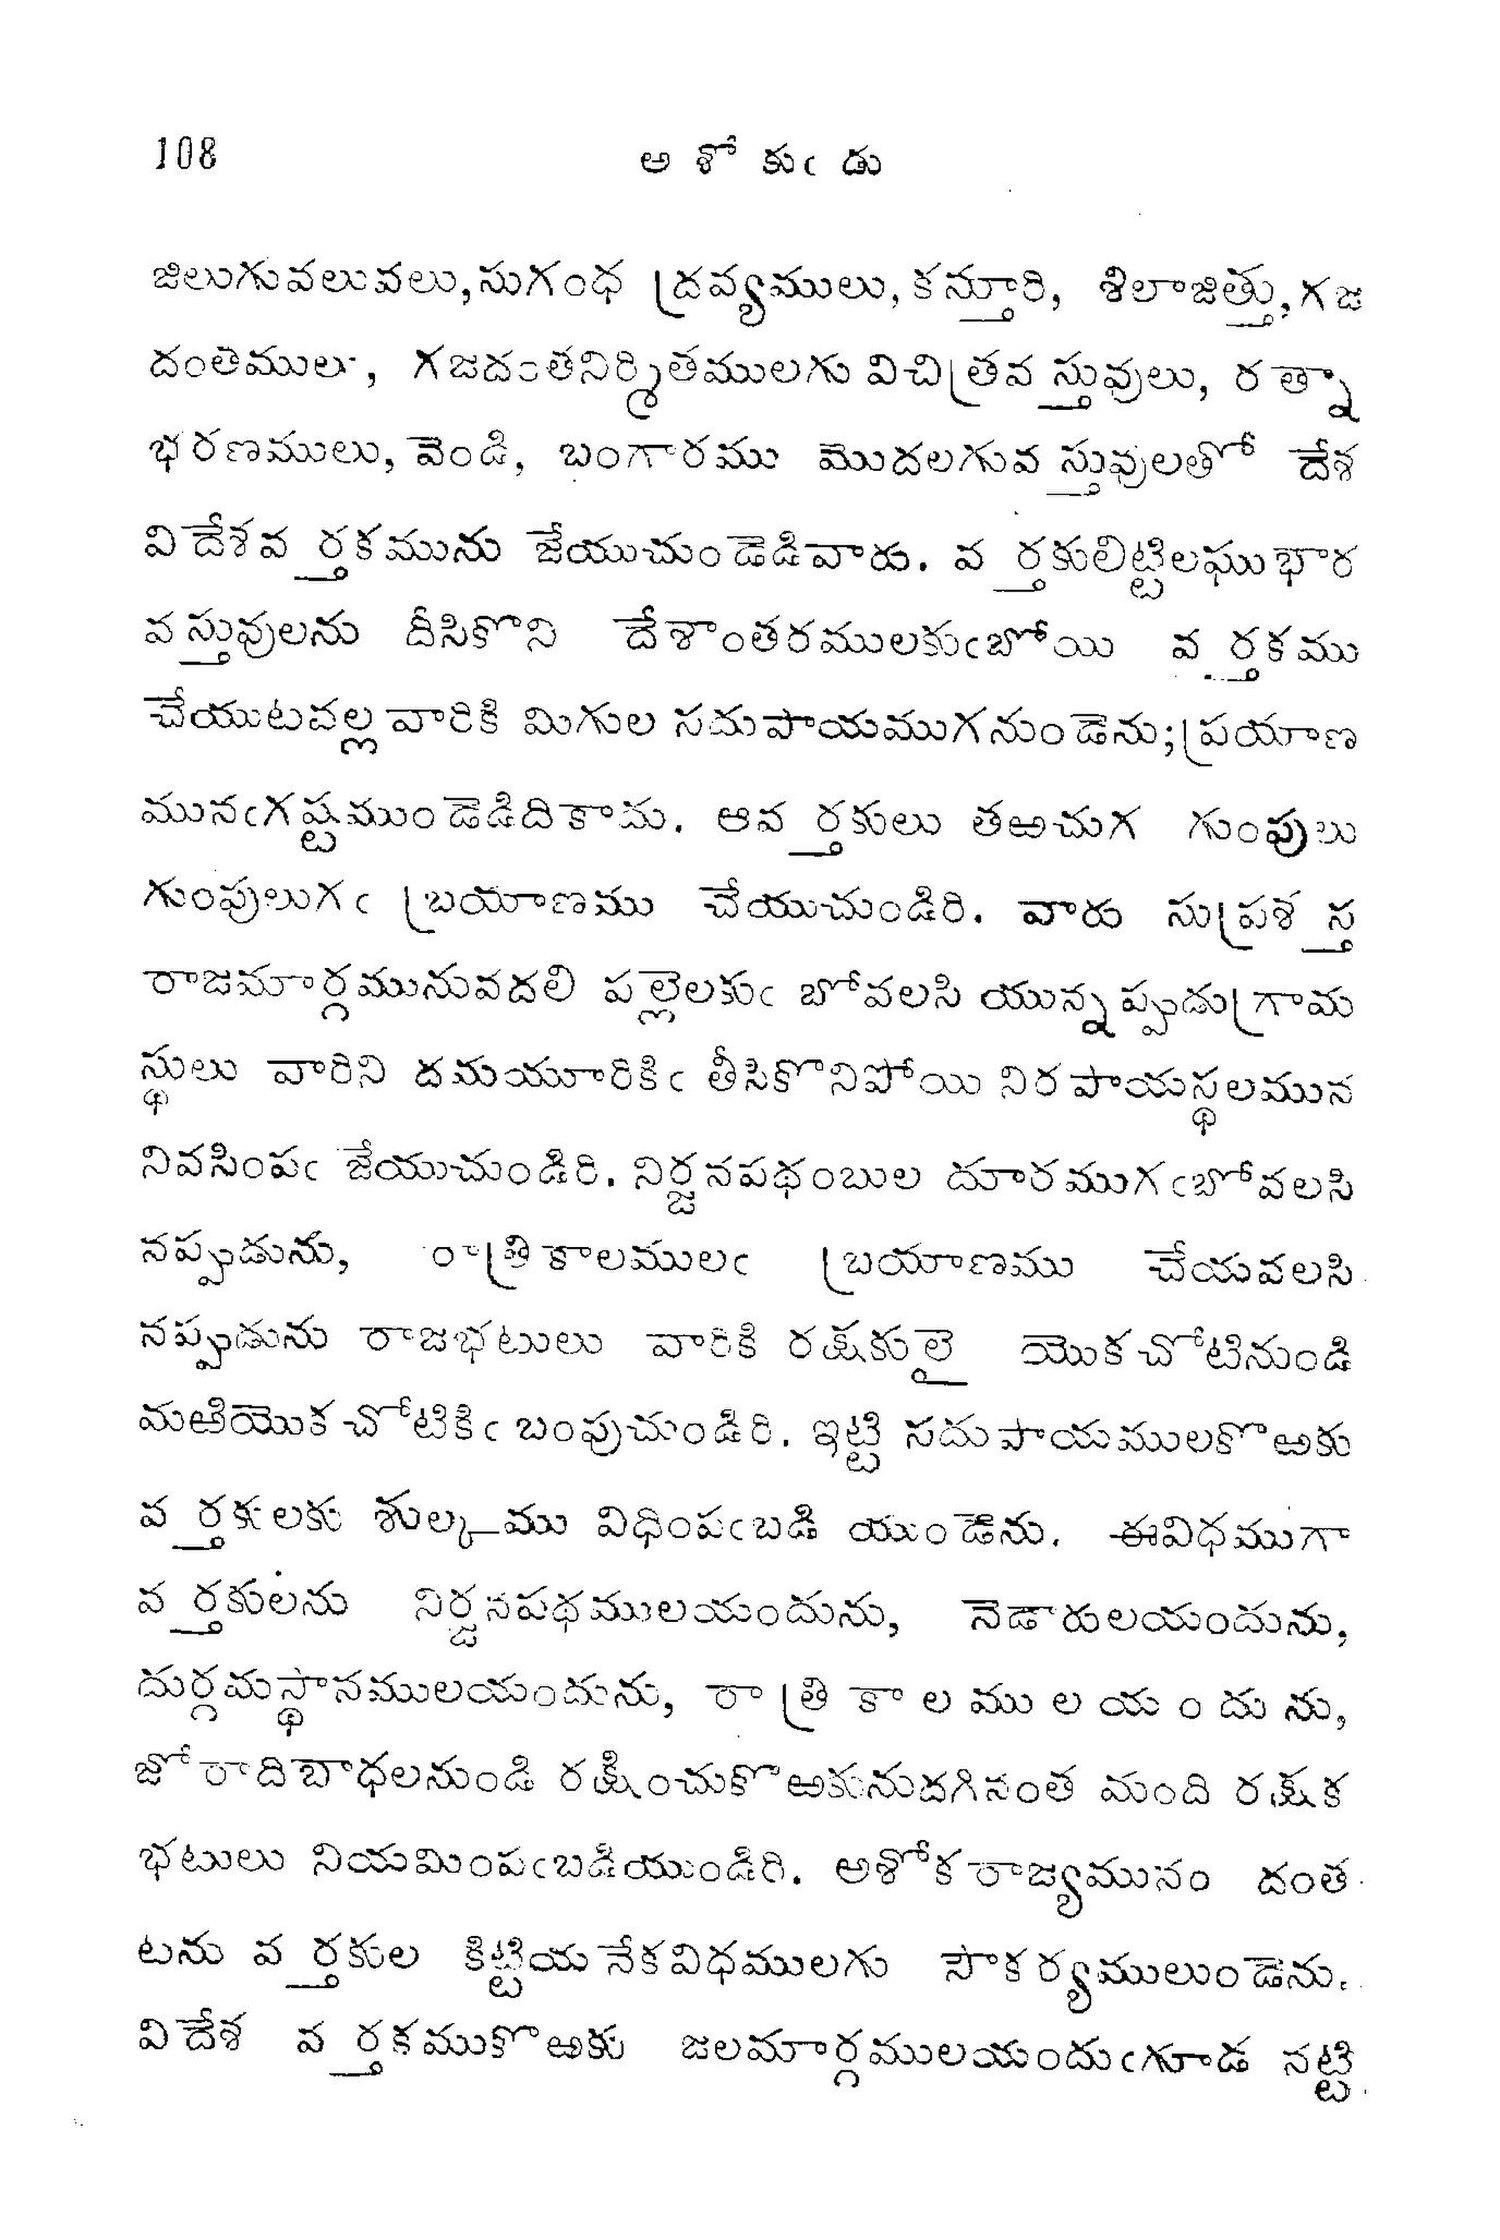జిలుగువలువలు, సుగంధ ద్రవ్యములు, కస్తూరి, శిలాజిత్తు,గజదంతములు గజదంత నిర్మితములగు విచిత్రవస్తువులు, రత్నాభరణములు, వెండి, బంగారము మొదలగువస్తువులతో దేశ విదేశవ ర్తకమును జేయుచుండెడివారు. వ ర్తకులిట్టిలఘు భార వస్తువులను దీసికొని దేశాంతరములకుఁబోయి వర్తకము చేయుటవల్ల వారికి మిగుల సదుపాయముగనుండెను; ప్రయాణమునఁగష్ట ముం డెడిది కాదు. ఆవర్తకులు తఱచుగ గుంపులు గుంపులుగఁ బ్రయాణము చేయుచుండిరి. వారు సుప్రశస్త రాజమార్గమునువదలి పల్లెలకుఁ బోవలసి యున్నప్పుడు గ్రామస్థులు వారిని దమయూరికిఁ తీసికొనిపోయి నిరపాయస్థలమున నివసింపఁ జేయుచుండిరి. నిర్జనపథంబుల దూరముగఁబోవలసి నప్పుడును, రాత్రి కాలములఁ బ్రయాణము చేయవలసి నప్పుడును రాజభటులు వారికి రక్షకులై యొక చోటినుండి
మఱియొక చోటికిఁ బంపుచుండిరి. ఇట్టి సదుపాయములకొఱకువర్తకులకు శుల్కము విధింపఁబడి యుండెను. ఈవిధముగా వర్తకులను నిర్జనపథములయందును, నెడారుల యందును, దుర్గమస్థానములయందును, రాత్రి కాలము లయ0దును, జోరాది బాధలనుండి రక్షించుకొఱకునుదగినంత మంది రక్షకభటులు నియమింపఁబడియుండిరి. అశోకరాజ్యమునం దంతటను వర్తకుల కిట్టియ నేక విధములగు సౌకర్యములుండెను. విదేశ వర్తకముకొఱకు జలమార్గములయందుఁగూడ నట్టి